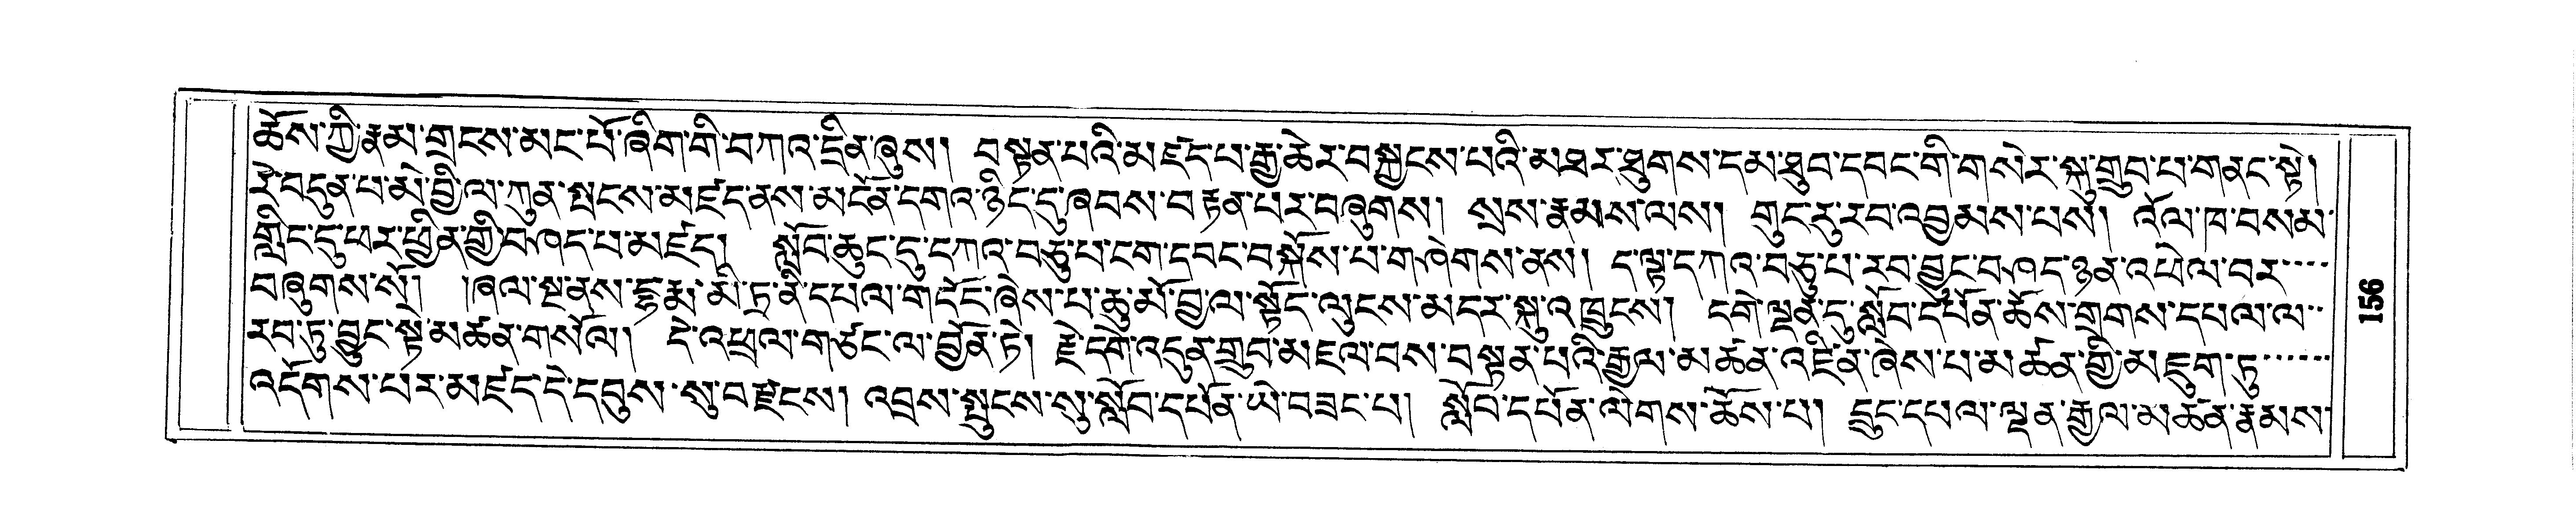ཆོས་ཀྱི་རྣམ་གྲངས་མང་པོ་ཞིག་གི་བཀའ་དྲིན་ཞུས། བསྟན་པའི་མཛད་པ་རྒྱ་ཆེར་བསྐྱངས་པའི་མཐར་ཐུགས་དམ་ཐུབ་དབང་གི་གསེར་སྐུ་གྲུབ་པ་གནང་སྟེ།
རེ་བདུན་པ་མེ་བྱི་ལ་ཀུན་སྤངས་མཛད་ནས་མངོན་དགའ་ཉིད་དུ་ཞབས་བརྟན་པར་བཞུགས། སྲས་རྣམས་ལས། གུང་རུ་རབ་འབྱམས་པས། འོལ་ཁ་བསམ་
གླིང་དུ་ཕར་ཕྱིན་གྱི་བཤད་པ་མཛད། སློབ་ཆུང་དུ་དཀའ་བཅུ་པ་ངག་དབང་བསྐོས་པ་གཤེགས་ནས། ད་ལྟ་དཀའ་བཅུ་པ་རབ་བྱུང་བཤད་ཉན་འཕེལ་བར་
བཞུགས་སོ། །ཞལ་སྔ་ནས་དྷ་རྨ་མི་ཏྲ་ནི་དཔལ་གདོང་ཞེས་པ་ཆུ་མོ་བྱ་ལ་སྟོད་ལུངས་མདར་སྐུ་འཁྲུངས། དགེ་ལྡན་དུ་སློབ་དཔོན་ཆོས་གྲགས་དཔལ་ལ་
རབ་ཏུ་བྱུང་སྟེ་མཚན་གསོལ། དེ་འཕྲལ་གཙང་ལ་བྱོན་ཏེ། རྗེ་དགེ་འདུན་གྲུབ་མཇལ་བས་བསྟན་པའི་རྒྱལ་མཚན་འཛིན་ཞེས་པ་མཚན་གྱི་མཇུག་ཏུ་
འདོགས་པར་མཛད་དེ་དབུས་སུ་བརྫངས། འབྲས་སྤུངས་སུ་སློབ་དཔོན་ཡེ་བཟང་པ། སློབ་དཔོན་ལེགས་ཆོས་པ། དྲུང་དཔལ་ལྡན་རྒྱལ་མཚན་རྣམས་